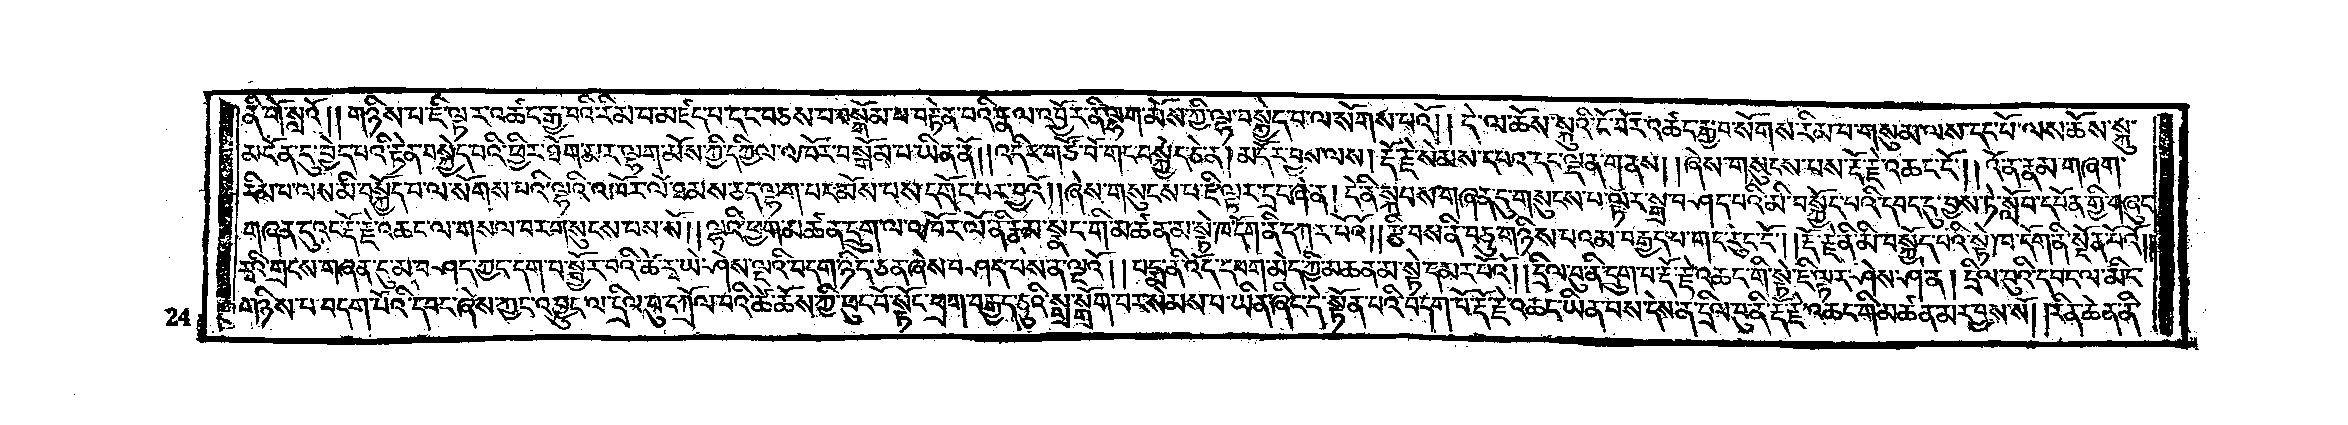ནི་གོ་སླའོ། །གཉིས་པ་ཇི་ལྟར་འཚང་རྒྱ་བའི་རིམ་པ་མཛད་པ་དང་བཅས་པ་བསྒོམ་པ་བརྟེན་པའི་རྣལ་འབྱོར་ནི་ལྷག་མོས་ཀྱི་ལྷ་བསྐྱེད་པ་ལ་སོགས་པའོ། །དེ་ལ་ཆོས་སྐུའི་ངོ་བོར་འཚང་རྒྱ་བ་སོགས་རིམ་པ་གསུམ་ལས་དང་པོ་ལས་ཆོས་སྐུ་
མངོན་དུ་བྱེད་པའི་རྟེན་བསྐྱེད་པའི་ཕྱིར་ཐོག་མར་ལྷག་མོས་ཀྱི་དཀྱིལ་འཁོར་བསྒོམ་པ་ཡིན་ནོ། །འདིར་གཙོ་བོ་གང་བསྐྱེད་ཅེ་ན། མདོར་བྱས་ལས། རྡོ་རྗེ་སེམས་དཔའ་དང་ལྡན་གནས། །ཞེས་གསུངས་པས་རྡོ་རྗེ་འཆང་ངོ། །འོ་ན་རྣམ་གཞག་
རིམ་པ་ལས་མི་བསྐྱོད་པ་ལ་སོགས་པའི་ལྷའི་འཁོར་ལོ་ཐམས་ཅད་ལྷག་པར་མོས་པས་དགོང་པར་བྱའོ། །ཞེས་གསུངས་པ་ཇི་ལྟར་དྲང་ཞེ་ན། དེ་ནི་སྐབས་གཞན་དུ་གསུངས་པ་ལྟར་སྒྲ་བཤད་པའི་མི་བསྐྱོད་པའི་དབང་དུ་བྱས་ཏེ་སློབ་དཔོན་གྱི་གཞུང་
གཞན་དུའང་རྡོ་རྗེ་འཆང་ལ་གསལ་བར་གསུངས་པས་སོ། །ལྷའི་ཕྱག་མཚན་དྲུག་ལ་འཁོར་ལོ་ནི་རྣམ་སྣང་གི་མཚན་མ་སྟེ་ཁ་དོག་ནི་དཀར་པོའོ། །རྩིབས་ནི་བཅུ་གཉིས་པའམ་བརྒྱད་པ་གང་རུང་ངོ། །རྡོ་རྗེ་ནི་མི་བསྐྱོད་པའི་སྟེ་ཁ་དོག་ནི་སྔོན་པོའོ། །
རྭའི་གྲངས་གཞན་དུ་མ་བཤད་ཀྱང་དག་པ་སྦྱོར་བའི་ཚེ་རྭ་ཡེ་ཤེས་ལྔའི་བདག་ཉིད་ཅན་ཞེས་བཤད་པས་ན་ལྔའོ། །པདམ་ནི་འོད་དཔག་མེད་ཀྱི་མཚན་མ་སྟེ་དམར་པོའོ། །དྲིལ་བུ་ནི་དྲུག་པ་རྡོ་རྗེ་འཆང་གི་སྟེ་ཇི་ལྟར་ཤེས་ཤེ་ན། དྲིལ་བུའི་དབང་ལ་མིང་
གཉིས་པ་བདག་པོའི་དབང་ཞེས་ཀྱང་འབྱུང་ལ་དྲིལ་བུ་དཀྲོལ་བའི་ཚེ་ཆོས་ཀྱི་ཕུང་པོ་སྟོང་ཕྲག་བརྒྱད་ཅུའི་སྒྲ་སྒྲོག་པར་སེམས་པ་ཡིན་ཞིང་དེ་སྟོན་པའི་བདག་པོ་རྡོ་རྗེ་འཆང་ཡིན་པས་དེས་ན་དྲིལ་བུ་ནི་རྡོ་རྗེ་འཆང་གི་མཚན་མར་བྱས་སོ། །རིན་ཆེན་ནི་